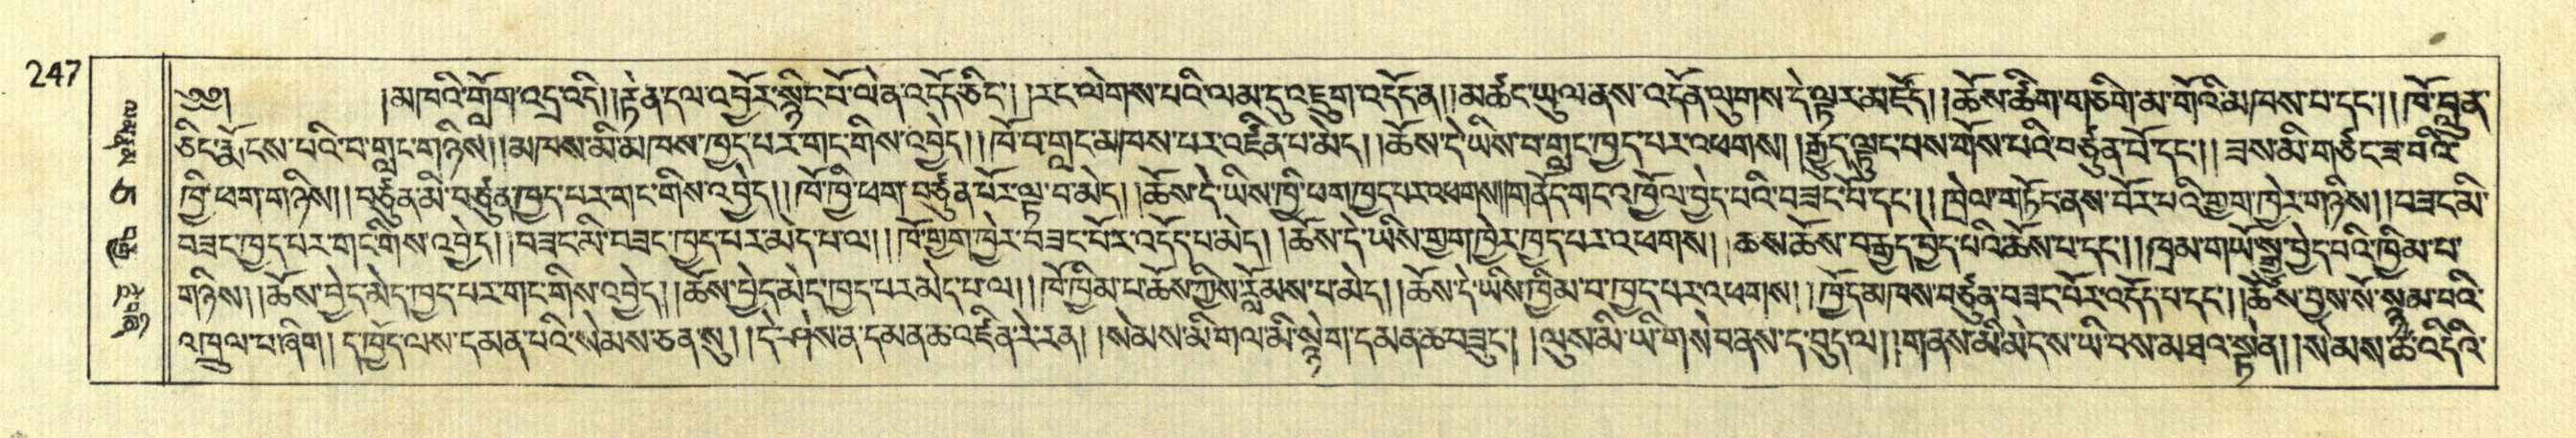༄༅། །མཁའི་གློག་འདྲ་འདི། །རྟེན་དལ་འབྱོར་སྙིང་པོ་ལེན་འདོད་ཅིང་། །རང་ལེགས་པའི་ལམ་དུ་འཇུག་འདོད་ན། །མཚང་ཡུལ་ནས་འདོན་ལུགས་དེ་ལྟར་མཛོད། །ཆོས་ཚིག་གཅིག་མ་གོའི་མཁས་པ་དང་། །ཁོ་བླུན་
ཅིང་རྨོངས་པའི་བ་གླང་གཉིས། །མཁས་མི་མཁས་ཁྱད་པར་གང་གིས་འབྱེད། །ཁོ་བ་གླང་མཁས་པར་འཛིན་པ་མེད། །ཆོས་དེ་ཡིས་བ་གླང་ཁྱད་པར་འཕགས། །རྒྱུད་ལྟུང་བས་གོས་པའི་བཙུན་པོ་དང་། །ཟས་མི་གཙང་ཟ་བའི་
ཁྱི་ཕག་གཉིས། །བཙུན་མི་བཙུན་ཁྱད་པར་གང་གིས་འབྱེད། །ཁོ་ཁྱི་ཕག་བཙུན་པོར་ལྟ་བ་མེད། །ཆོས་དེ་ཡིས་ཁྱི་ཕག་ཁྱད་པར་འཕགས། །གནོད་གང་འཁྱོལ་བྱེད་པའི་བཟང་པོ་དང་། །ཁྲེལ་གཏོང་ནས་བོར་པའི་གྱག་ཁྱེར་གཉིས། །བཟང་མི་
བཟང་ཁྱད་པར་གང་གིས་འབྱེད། །བཟང་མི་བཟང་ཁྱད་པར་མེད་པ་ལ། །ཁོ་གྱག་ཁྱེར་བཟང་པོར་འདོད་པ་མེད། །ཆོས་དེ་ཡིས་གྱག་ཁྱེར་ཁྱད་པར་འཕགས། །ཆས་ཆོས་བརྒྱད་བྱེད་པའི་ཆོས་པ་དང་། །ཁྲམ་གཡོ་སྒྱུ་བྱེད་བའི་ཁྱིམ་པ་
གཉིས། །ཆོས་བྱེད་མེད་ཁྱད་པར་གང་གིས་འབྱེད། །ཆོས་བྱེད་མེད་ཁྱད་པར་མེད་པ་ལ། །ཁོ་ཁྱིམ་པ་ཆོས་ཀྱིས་རློམས་པ་མེད། །ཆོས་དེ་ཡིས་ཁྱིམ་པ་ཁྱད་པར་འཕགས། །ཁྱོད་མཁས་བཙུན་བཟང་པོར་འདོད་པ་དང་། །ཆོས་བྱས་སོ་སྙམ་པའི་
འཁྲུལ་པ་ཞིག། ད་ཁྱོད་ལས་དམན་པའི་སེམས་ཅན་སུ། །དེ་ཤེས་ན་དམན་ཆ་འཛིན་རེ་རན། །སེམས་མི་གལ་མི་སྙེག་དམན་ཆ་བཟུང་། །ལུས་མི་ཡི་གསེབ་ནས་ད་བུད་ལ། །གནས་མི་མེད་ས་ཡི་བས་མཐའ་སྟེན། །སེམས་ཚ་འདིའི་